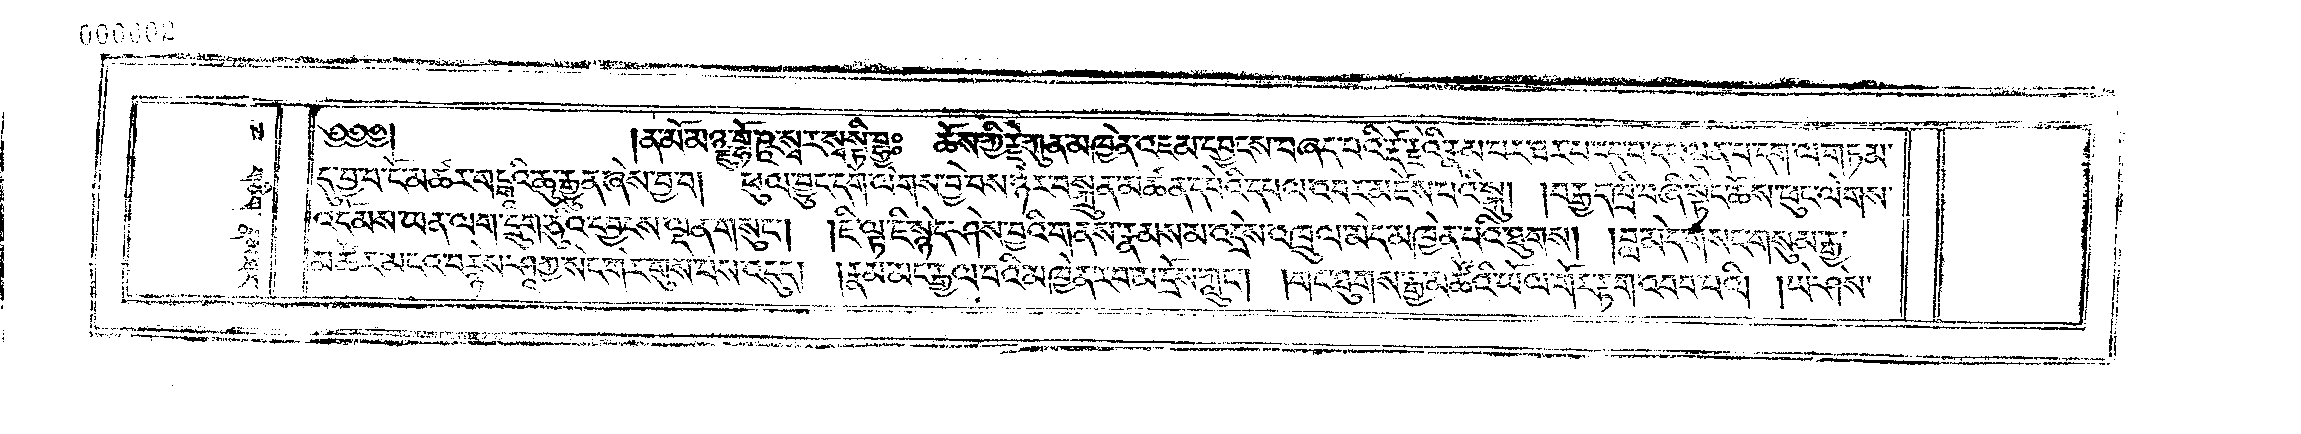༄༅༅། །ན་མོ་མཉྫུ་གྷོ་ཥཱ་སྭ་ར་སྭ་སྟི་བྷྱཿ ཆོས་ཀྱི་རྗེ་ཀུན་མཁྱེན་འཇམ་དབྱངས་བཞད་པའི་རྡོ་རྗེའི་རྣམ་པར་ཐར་པ་དང་པ་དང་ལྡན་པ་དག་ལ་གཏམ་
དུ་བྱ་བ་ངོ་མཚར་གངྒཱའི་ཆུ་རྒྱུན་ཞེས་བྱ་བ། ཕུལ་བྱུང་དགེ་ལེགས་བྱེ་བས་ཉེར་བསྐྲུན་མཚན་དཔེའི་དཔལ་འབར་མཛེས་པའི་སྐུ། །བརྒྱད་ཁྲི་བཞི་སྟོང་ཆོས་ཕུང་ལེགས་
འདོམས་ཡན་ལག་དྲུག་ཅུའི་དབྱངས་ལྡན་གསུང་། །ཇི་ལྟ་ཇི་སྙེད་ཤེས་བྱའི་གནས་རྣམས་མ་འདྲེས་འཁྲུལ་མེད་མཁྱེན་པའི་ཐུགས། །བླ་མེད་གསང་གསུམ་རྒྱ་
མཚོང་མངའ་བརྙེས་ཤཱཀྱ་སེང་གེར་གུས་པས་འདུད། །རྣམ་མང་རྒྱལ་བའི་མཁྱེན་རབ་མ་དྲོས་ཀླུང་། །གང་ཐུགས་རྒྱ་མཚོའི་ཡོལ་གོར་རྟག་འབབ་པའི། །ཡེ་ཤེས་